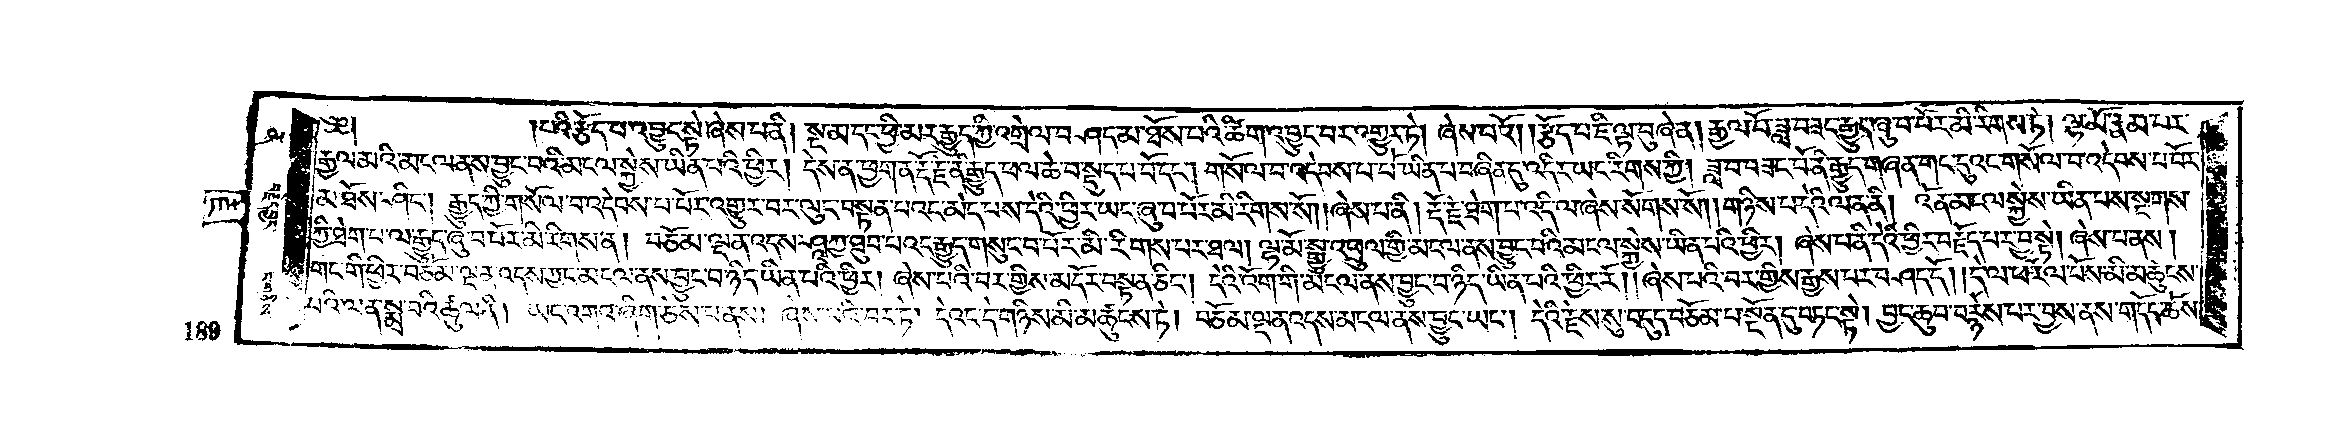༄༅། །པའི་རྩོད་པ་འབྱུང་སྟེ་ཞེས་པ་ནི། སྔ་མ་དང་ཕྱི་མར་རྒྱུད་ཀྱི་འགྲེལ་བཤད་མ་ཐོས་པའི་ཚིག་འབྱུང་བར་འགྱུར་ཏེ། ཞེས་པའོ། །རྩོད་པ་ཇི་ལྟ་བུ་ཞེ་ན། རྒྱལ་པོ་ཟླ་བཟང་རྒྱུད་ཞུ་བ་པར་མི་རིགས་ཏེ། ལྷ་མོ་རྣམ་པར་
རྒྱལ་མའི་མངལ་ནས་བྱུང་བའི་མངལ་སྐྱེས་ཡིན་པའི་ཕྱིར། དེས་ན་ཕྱག་ན་རྡོ་རྗེ་ནི་རྒྱུད་ཕལ་ཆེ་བ་སྡུད་པ་པོ་དང་། གསོལ་བ་འདེབས་པ་པོ་ཡིན་པ་བཞིན་དུ་འདིར་ཡང་རིགས་ཀྱི། ཟླ་བ་བཟང་པོ་ནི་རྒྱུད་གཞན་གང་དུའང་གསོལ་བ་འདེབས་པ་པོར་
མ་ཐོས་ཤིང་། རྒྱུད་ཀྱི་གསོལ་བ་འདེབས་པ་པོར་འགྱུར་བར་ལུང་བསྟན་པའང་མེད་པས་དེའི་ཕྱིར་ཡང་ཞུ་བ་པོར་མི་རིགས་སོ། །ཞེས་པ་ནི། རྡོ་རྗེ་ཐེག་པ་འདི་ལ་ཞེས་སོགས་སོ། །གཉིས་པ་དེའི་ལན་ནི། འོན་མངལ་སྐྱེས་ཡིན་པས་སྔགས་
ཀྱི་ཐེག་པ་ལ་རྒྱུད་ཞུ་བ་པོར་མི་རིགས་ན། བཅོམ་ལྡན་འདས་ཤཱཀྱ་ཐུབ་པའང་རྒྱུད་གསུང་པ་པོར་མི་རིགས་པར་ཐལ། ལྷ་མོ་སྒྱུ་འཕྲུལ་གྱི་མངལ་ནས་བྱུང་བའི་མངལ་སྐྱེས་ཡིན་པའི་ཕྱིར། ཞེས་པ་ནི་དེའི་ཕྱིར་བརྗོད་པར་བྱ་སྟེ། ཞེས་པ་ནས།
གང་གི་ཕྱིར་བཅོམ་ལྡན་འདས་ཀྱང་མངལ་ནས་བྱུང་བ་ཉིད་ཡིན་པའི་ཕྱིར། ཞེས་པའི་བར་གྱིས་མདོར་བསྟན་ཅིང་། དེའི་འོག་གི་མངལ་ནས་བྱུང་བ་ཉིད་ཡིན་པའི་ཕྱིར་རོ། །ཞེས་པའི་བར་གྱིས་རྒྱས་པར་བཤད་དོ། །དེ་ལ་ཕ་རོལ་པོས་མི་མཚུངས་
པའི་ལན་སྨྲ་བའི་ཚུལ་ནི། ཡང་འགའ་ཞིག་ཅེས་པ་ནས། ཞེས་པའི་བར་ཏེ། དེའང་དེ་གཉིས་མི་མཚུངས་ཏེ། བཅོམ་ལྡན་འདས་མངལ་ནས་བྱུང་ཡང་། དེའི་རྗེས་སུ་བདུད་བཅོམ་པ་སྔོན་དུ་བཏང་སྟེ། བྱང་ཆུབ་བརྙེས་པར་བྱས་ནས་གདོད་ཆོས་